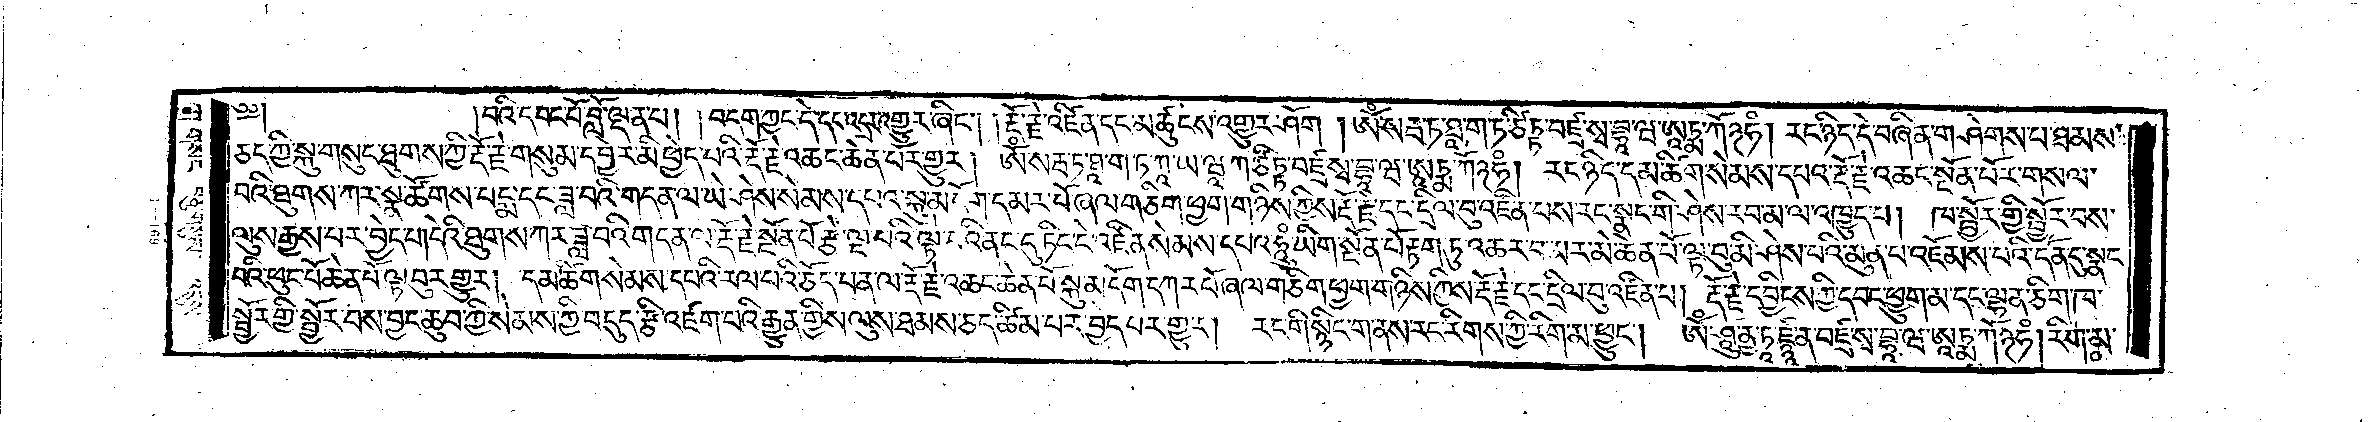༄༅། །བའི་དབང་པོ་བློ་ལྡན་པ། །བདག་ཀྱང་དེ་དང་འདྲར་འགྱུར་ཞིང་། །རྡོ་རྗེ་འཛིན་དང་མཚུངས་འགྱུར་ཤོག །ཨོཾ་སརྦ་ཏ་ཐཱ་ག་ཏ་ཙིཏཏ་བཛྲ་སྭ་བྷཱ་ཝ་ཨཱཏྨ་ཀོཉཧཾ། རང་ཉིད་དེ་བཞིན་གཤེགས་པ་ཐམས་
ཅད་ཀྱི་སྐུ་གསུང་ཐུགས་ཀྱི་རྡོ་རྗེ་གསུམ་དབྱེར་མི་ཕྱེད་པའི་རྡོ་རྗེ་འཆང་ཆེན་པོར་གྱུར། ཨོཾ་སརྦ་ཏ་ཐཱ་ག་ཏ་ཀཱ་ཡ་ཝཱ་ཀ་ཙིཏཏ་བཛྲ་སྭ་བྷཱ་ཝ་ཨཱཏྨ་ཀོཉཧཾ། རང་ཉིད་དམ་ཚིག་སེམས་དཔའ་རྡོ་རྗེ་འཆང་སྔོན་པོར་གསལ་
བའི་ཐུགས་ཀར་སྣ་ཚོགས་པདམ་དང་ཟླ་བའི་གདན་ལ་ཡེ་ཤེས་སེམས་དཔའ་སྐུ་མདོག་དམར་པོ་ཞལ་གཅིག་ཕྱག་གཉིས་ཀྱིས་རྡོ་རྗེ་དང་དྲིལ་བུ་འཛིན་པས་རང་སྣང་གི་ཤེས་རབ་མ་ལ་འཁྱུད་པ། ཁ་སྦྱོར་གྱི་སྦྱོར་པས་
ལུས་རྒྱས་པར་བྱེད་པ། དེའི་ཐུགས་ཀར་ཟླ་བའི་གདན་ལ་རྡོར་ཇེ་སྔོན་པོ་རྩེ་ལྔ་པའི་ལྟེ་བའི་ནང་དུ་ཏིང་ངེ་འཛིན་སེམས་དཔའ་ཧཱུཾ་ཡིག་སྔོན་པོ་རྟག་ཏུ་འཆར་བ་མར་མེ་ཆེན་པོ་ལྟ་བུ་མི་ཤེས་པའི་མུན་པ་འཇོམས་པའི་དོན་དུ་སྣང་
པའི་ཕུང་པོ་ཆེན་པོ་ལྟ་བུར་གྱུར། དམ་ཆོག་སེམས་པའི་རལ་བའི་ཅོད་པན་ལ་རྡོ་རྗེ་འཆང་ཆེན་པོ་སྐུ་མདོག་དཀར་པོ་ཞལ་གཅིག་ཕྱག་གཉིས་ཀྱིས་རྡོ་རྗེ་དང་དྲིལ་བུ་འཛིན་པ། རྡོ་རྗེ་དབྱིངས་ཀྱི་དབང་ཕྱུག་མ་དང་ལྷན་ཅིག་ཁ་
སྦྱོར་གྱི་སྦྱོར་བས་བྱང་ཆུབ་ཀྱི་སེམས་ཀྱི་བདུད་རྩི་འཛག་པའི་རྒྱུན་གྱིས་ལུས་ཐམས་ཅད་ཚིམ་པར་བྱེད་པར་གྱུར། རང་གི་སྙིང་གནས་རང་རིགས་ཀྱི་རིག་མ་ཕྱུང་། ཨོཾ་ཤཱུ་ཉ་ཏཱ་ཛྙཱ་ན་བཛྲ་སྭ་བྷཱ་ཝ་ཨཱཏྨ་ཀོཉཧཾ། རིག་མ྾་